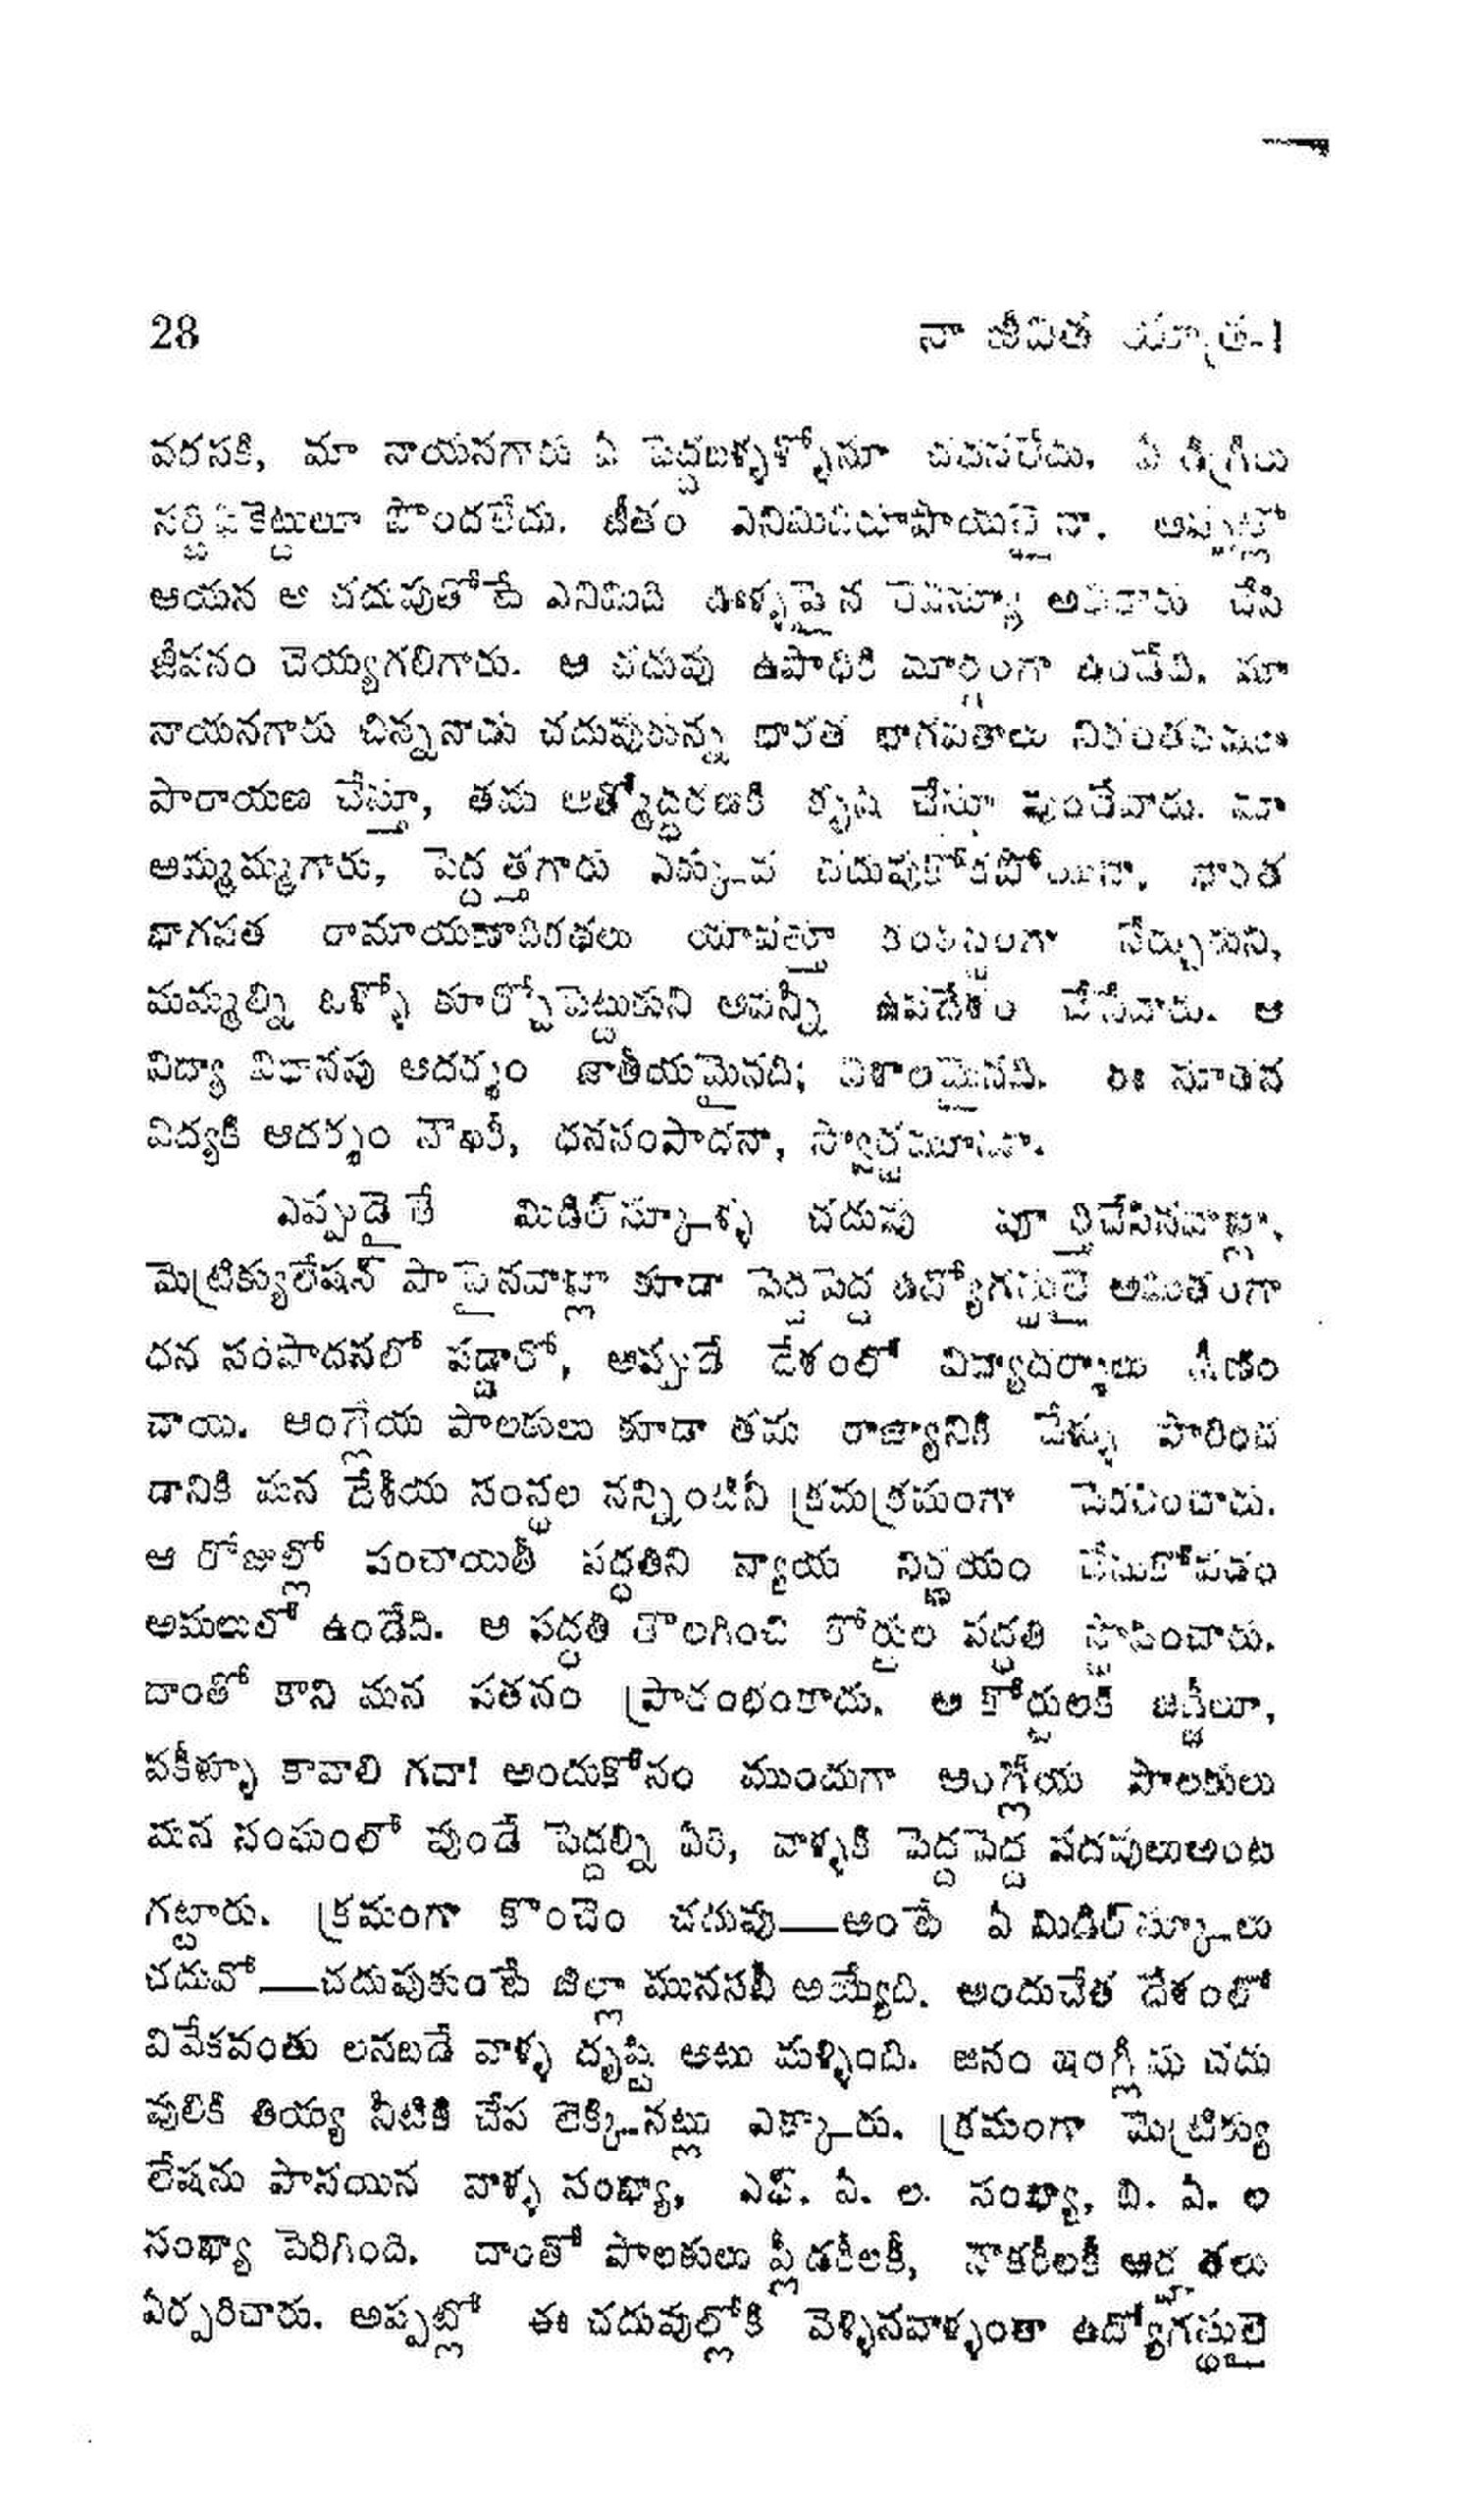వరసకి, మా నాయనగారు ఏ పెద్దబళ్ళళ్ళోనూ చదవలేదు. ఏ డిగ్రీలు సర్టిఫికెట్టులూ పొందలేదు. జీతం ఎనిమిదిరూపాయలైనా. అప్పట్లో ఆయన ఆ చదువుతోటే ఎనిమిది ఊళ్ళపైన రెవిన్యూ అధికారు చేసి జీవనం చెయ్యగలిగారు. ఆ చదువు ఉపాధికి మార్గంగా ఉండేది. మా నాయనగారు చిన్ననాడు చదువుకున్న భారత భాగవతాలు నిరంతరమూ పారాయణ చేస్తూ, తమ ఆత్మోద్ధరణకి కృషి చేస్తూ వుండేవారు. మా అమ్మమ్మగారు, పెద్దత్తగారు ఎక్కువ చదువుకోకపోయినా, భారత భాగవత రామాయణాదికథలు యావత్తూ కంఠస్థంగా నేర్చుకుని, మమ్మల్ని ఒళ్ళో కూర్చోపెట్టుకుని అవన్నీ ఉపదేశం చేసేవారు. ఆ విద్యా విధానపు ఆదర్శం జాతీయమైనది; విశాలమైనది. ఈ నూతన విద్యకి ఆదర్శం నౌఖరీ, ధనసంపాదనా, స్వార్థమూనూ.

ఎప్పుడైతే మిడిల్‌స్కూళ్ళ చదువు పూర్తిచేసినవాళ్లూ, మెట్రిక్యులేషన్ పాసైనవాళ్లూ కూడా పెద్దపెద్ద ఉద్యోగస్థులై అమితంగా ధన సంపాదనలో పడ్డారో, అప్పుడే దేశంలో విద్యాదర్శాలు క్షీణించాయి. ఆంగ్లేయ పాలకులు కూడా తమ రాజ్యానికి వేళ్ళు పారించడానికి మన దేశీయ సంస్థల నన్నింటినీ క్రమక్రమంగా పెకలించారు. ఆ రోజుల్లో పంచాయతీ పద్ధతిని న్యాయ నిర్ణయం చేసుకోవడం అమలులో ఉండేది. ఆ పద్ధతి తొలగించి కోర్టుల పద్ధతి స్థాపించారు. దాంతో కాని మన పతనం ప్రారంభంకాదు. ఆ కోర్టులకీ జడ్జీలూ, వకీళ్ళూ కావాలి గదా! అందుకోసం ముందుగా ఆంగ్లేయ పాలకులు మన సంఘంలో వుండే పెద్దల్ని ఏరి, వాళ్ళకి పెద్దపెద్ద పదవులుఅంటగట్టారు. క్రమంగా కొంచెం చదువు - అంటే ఏ మిడిల్‌స్కూలు చదువో - చదువుకుంటే జిల్లా మునసబీ అయ్యేది. అందుచేత దేశంలో వివేకవంతు లనబడే వాళ్ళ దృష్టి అటు మళ్ళింది. జనం ఇంగ్లీషు చదువులికి తియ్య నీటికి చేప లెక్కినట్లు ఎక్కారు. క్రమంగా మెట్రిక్యులేషను పాసయిన వాళ్ళ సంఖ్యా, ఎఫ్. ఏ. ల సంఖ్యా, బి. ఏ. ల సంఖ్యా పెరిగింది. దాంతో పాలకులు ప్లీడరీలకీ, నౌకరీలకీ అర్హతలు ఏర్పరిచారు. అప్పట్లో ఈ చదువుల్లోకి వెళ్ళినవాళ్ళంతా ఉద్యోగస్థులై